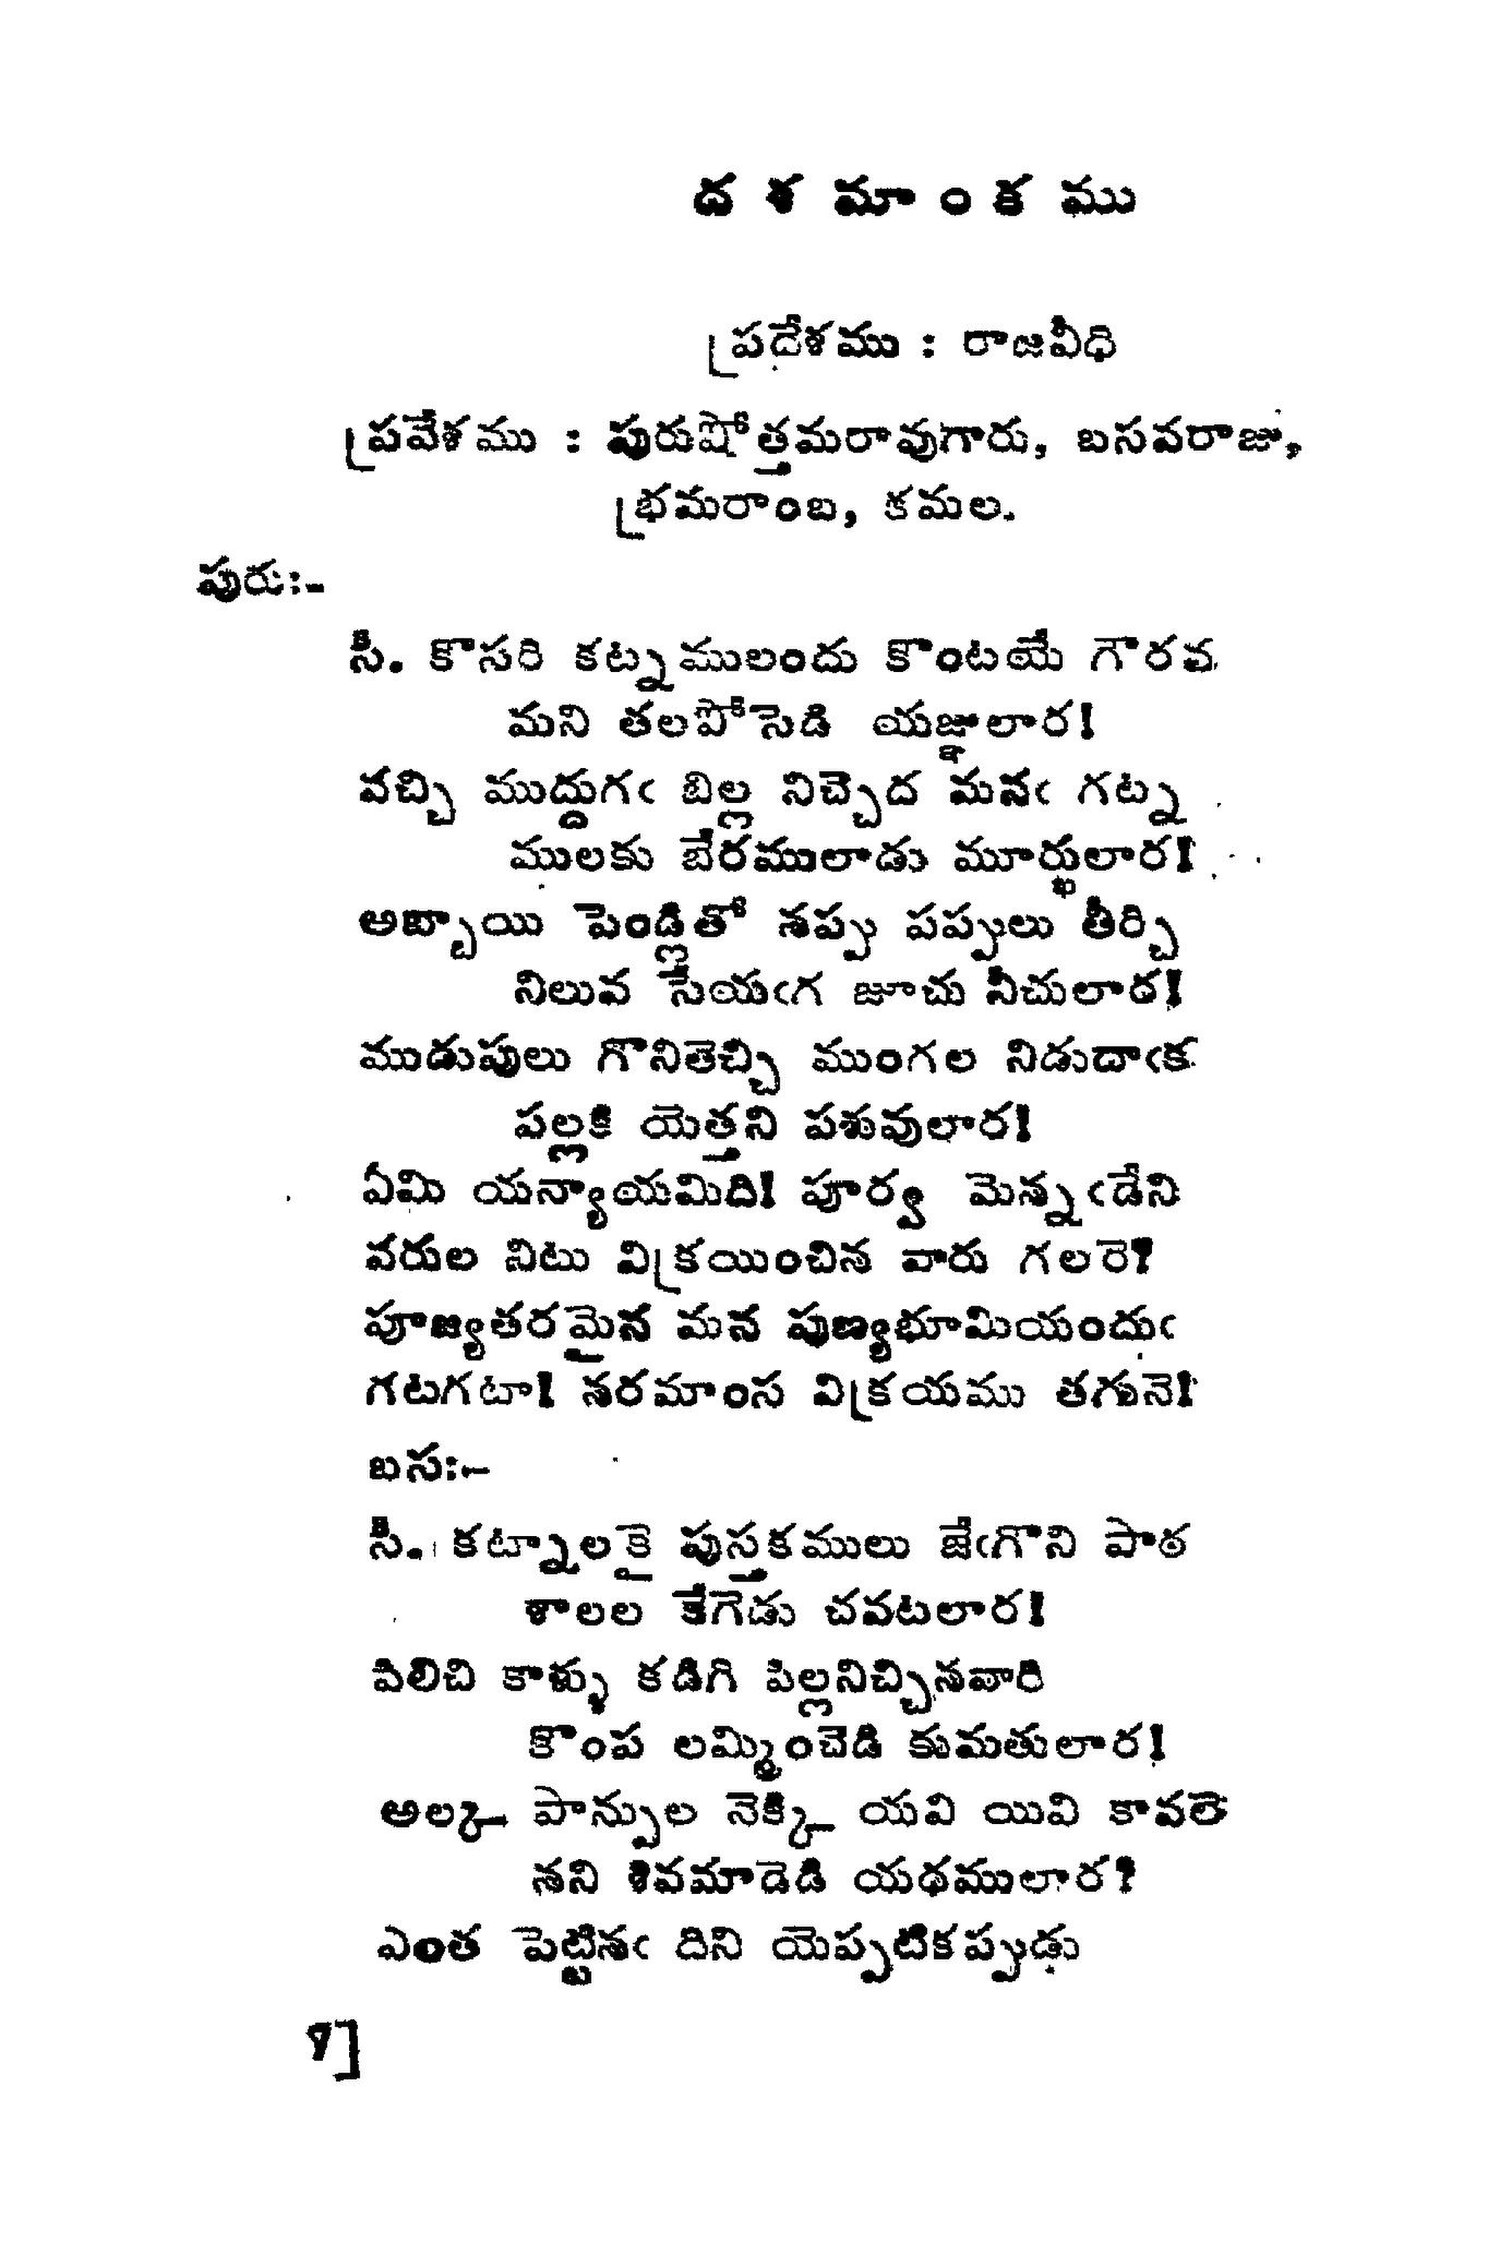దశ మాంకము

పురు : -

సీ. కొసరి కట్నములందు కొంటయే గౌరవ
 మని తలపోసెడి యజ్ఞులార!
 వచ్చి ముద్దుగఁ బిల్ల నిచ్చెద మనఁ గట్న
 ములకు బేరములాడు మూర్ఖులార!
 అబ్బాయి పెండ్లితో నప్పు పప్పులు తీర్చి
 నిలువ సేయఁగ జూచు నీచులార!
 ముడుపులు గొనితెచ్చి ముంగల నిడుదాఁక
 పల్లకి యెత్తని పశువులార!

 ఏమి యన్యాయమిది! పూర్వ మెన్నఁడేని
 వరుల నిటు విక్రయించిన వారు గలరె?
 పూజ్యతరమైన మన పుణ్యభూమియందుఁ
 గటకటా! నరమాంస విక్రయము తగునె!
బస :-

సీ. కట్నాలకై పుస్తకములు జేఁగొని, పాఠ
 శాలల కేగెడు చవటలార!
 పిలిచి కాళ్ళు కడిగి పిల్లనిచ్చినవారి
 కొంప లమ్మించెడి కుమతులార!
 అల్క పాన్పుల నెక్కి యవి యివి కావలె
 నని శివమాడెడి యధములార!
 ఎంత పెట్టినఁ దిని యెప్పటికప్పుడు